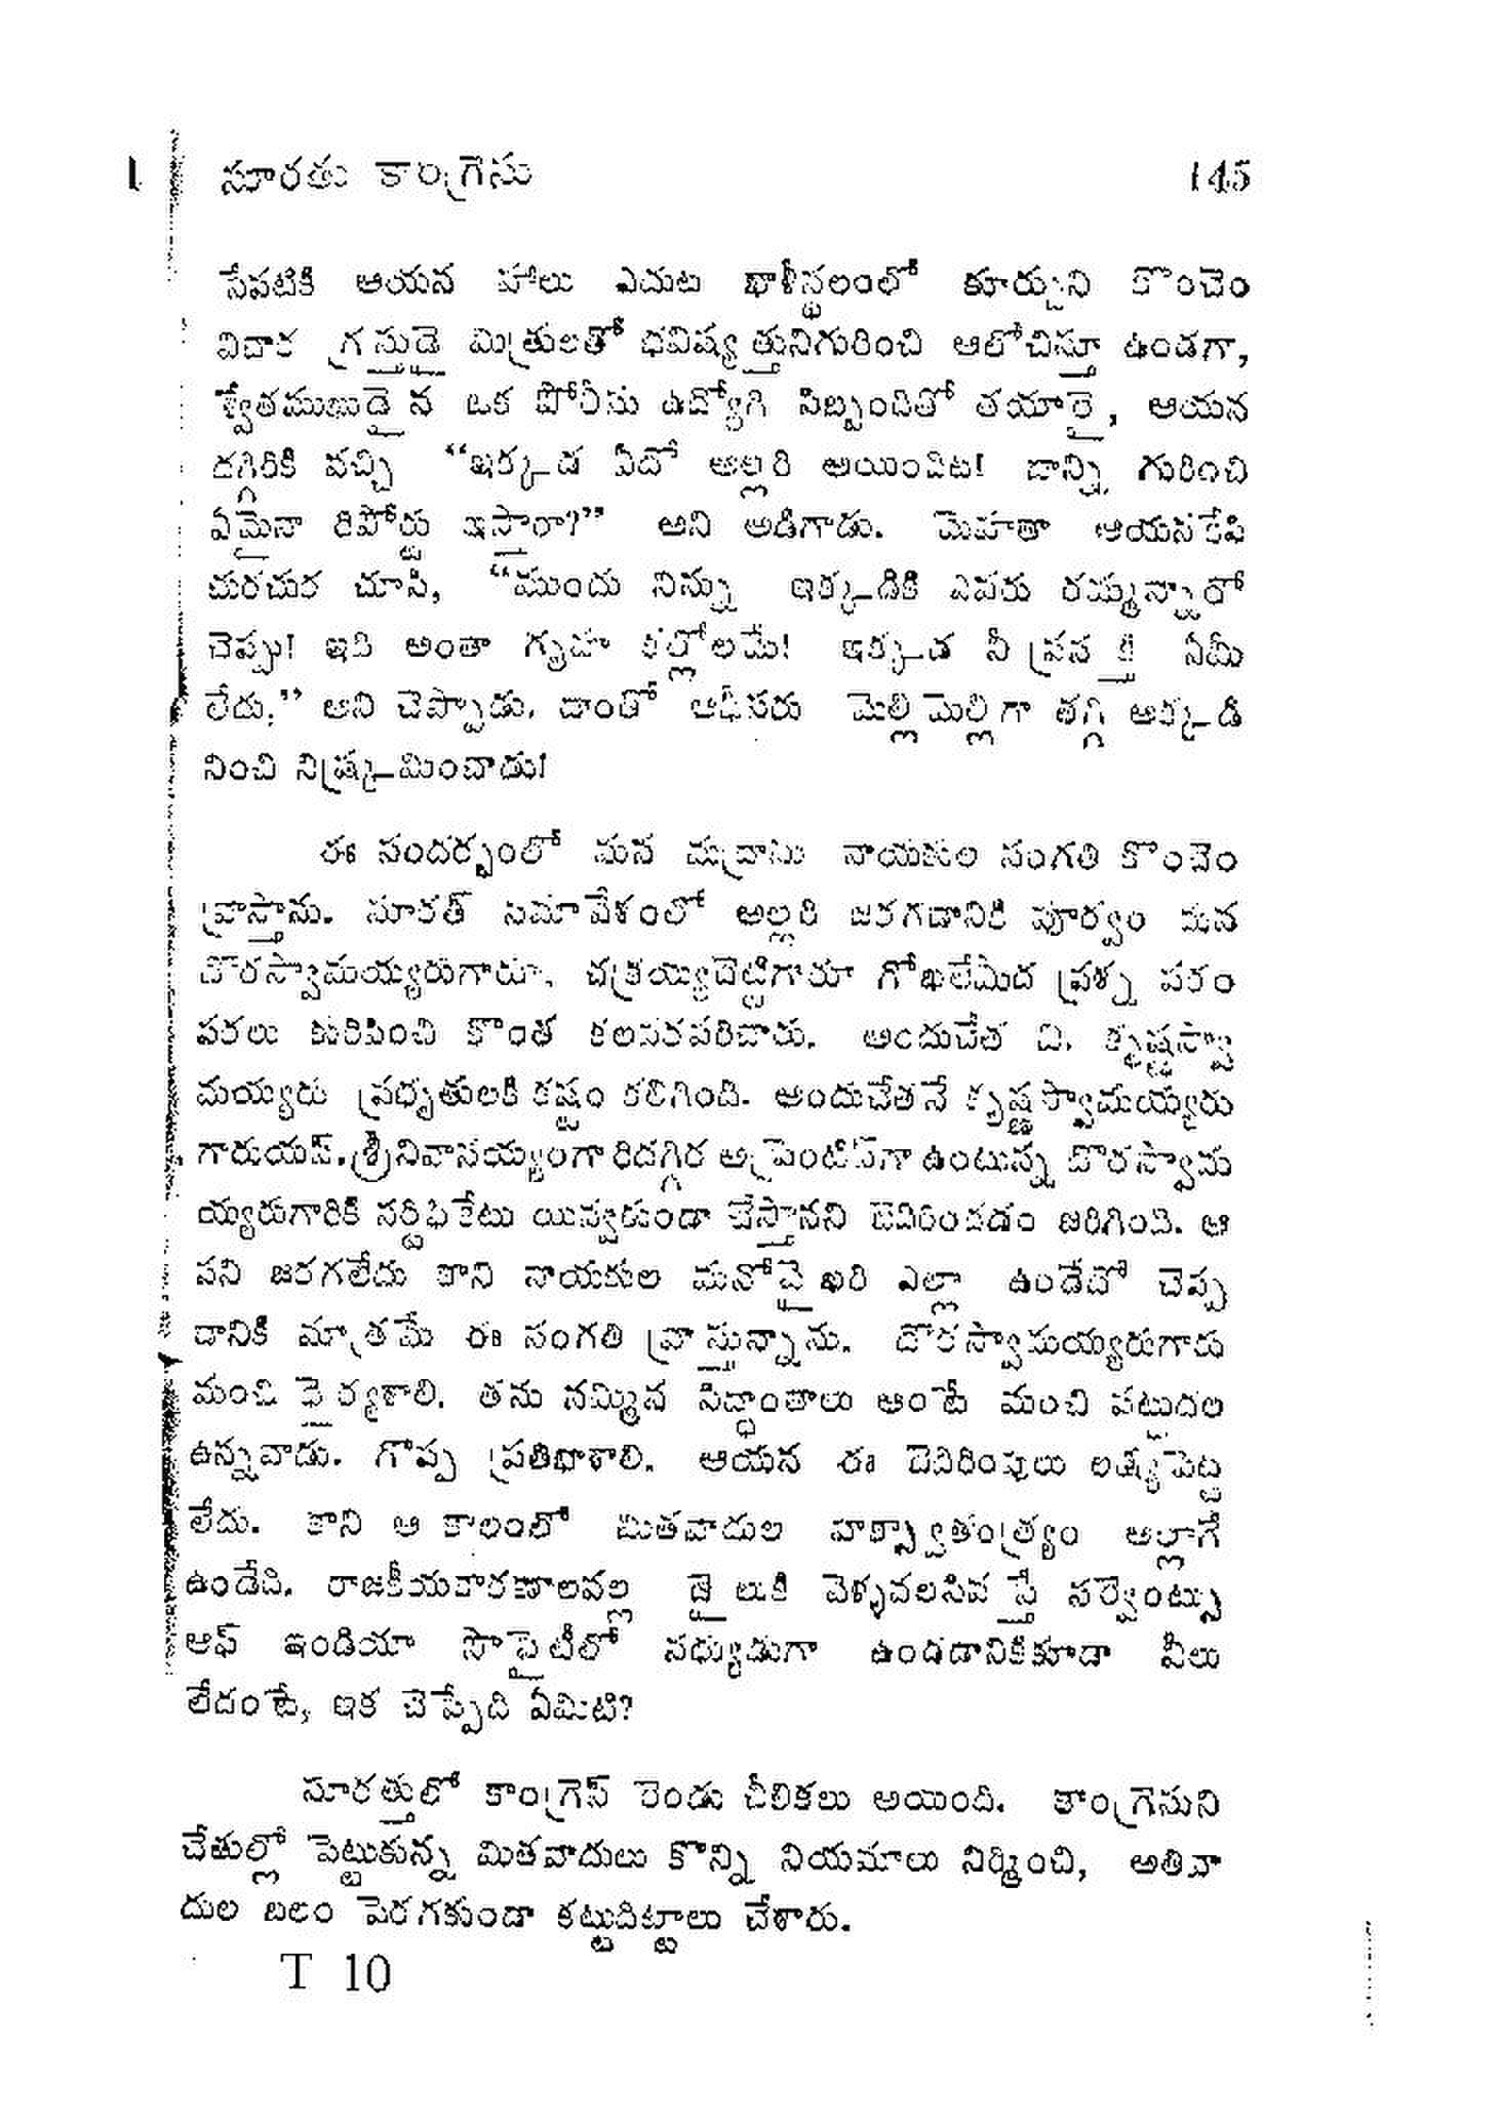సేపటికి ఆయన హాలు ఎదుట ఖాళీస్థలంలో కూర్చుని కొంచెం విచార గ్రస్తుడై మిత్రులతో భవిష్యత్తునిగురించి ఆలోచిస్తూ ఉండగా, శ్వేత ముఖుడైన ఒక పోలీసు ఉద్యోగి సిబ్బందితో తయారై, ఆయన దగ్గిరికి వచ్చి "ఇక్కడ ఏదో అల్లరి అయిందిట! దాన్ని గురించి ఏమైనా రిపోర్టు ఇస్తారా?" అని అడిగాడు. మెహతా ఆయనకేసి చురచుర చూసి, "ముందు నిన్ను ఇక్కడికి ఎవరు రమ్మన్నారో చెప్పు! ఇది అంతా గృహ కల్లోలమే! ఇక్కడ నీ ప్రసక్తి ఏమీ లేదు," అని చెప్పాడు. దాంతో ఆఫీసరు మెల్లి మెల్లిగా తగ్గి అక్కడినించి నిష్క్రమించాడు.

ఈ సందర్భంలో మన మద్రాసు నాయకుల సంగతి కొంచెం వ్రాస్తాను. సూరత్ సమావేశంలో అల్లరి జరగడానికి పూర్వం మన దొరస్వామయ్యరు గారూ, చక్రయ్యచెట్టిగారూ గోఖలేమీద ప్రశ్న పరంపరలు కురిపించి కొంత కలవరపరిచారు. అందుచేత వి. కృష్ణస్వామయ్యరు ప్రభృతులకి కష్టం కలిగింది. అందుచేతనే కృష్ణస్వామయ్యరుగారు యస్. శ్రీనివాసయ్యంగారి దగ్గిర అప్రెంటిస్‌గా ఉంటున్న దొరస్వామయ్యరుగారికి సర్టిఫికేటు యివ్వకుండా చేస్తానని బెదిరించడం జరిగింది. ఆ పని జరగలేదు కాని నాయకుల మనోవైఖరి ఎల్లా ఉండేదో చెప్పడానికి మాత్రమే ఈ సంగతి వ్రాస్తున్నాను. దొరస్వామయ్యరుగారు మంచి ధైర్యశాలి. తను నమ్మిన సిద్ధాంతాలు అంటే మంచి పట్టుదల ఉన్నవాడు. గొప్ప ప్రతిభాశాలి. ఆయన ఈ బెదిరింపులు లక్ష్య పెట్టలేదు. కాని ఆ కాలంలో మితవాదులు వాక్స్వాతంత్ర్యం అల్లాగే ఉండేది. రాజకీయకారణాలవల్ల జైలుకి వెళ్ళ వలసివస్తే సర్వెంట్సు ఆఫ్ ఇండియా సొసైటీలో సభ్యుడుగా ఉండడానికి కూడా వీలు లేదంటే, ఇక చెప్పేది ఏమిటి?

సూరత్తులో కాంగ్రెస్ రెండు చీలికలు అయింది. కాంగ్రెసుని చేతుల్లో పెట్టుకున్న మితవాదులు కొన్ని నియమాలు నిర్మించి, అతివాదుల బలం పెరగకుండా కట్టుదిట్టాలు చేశారు.